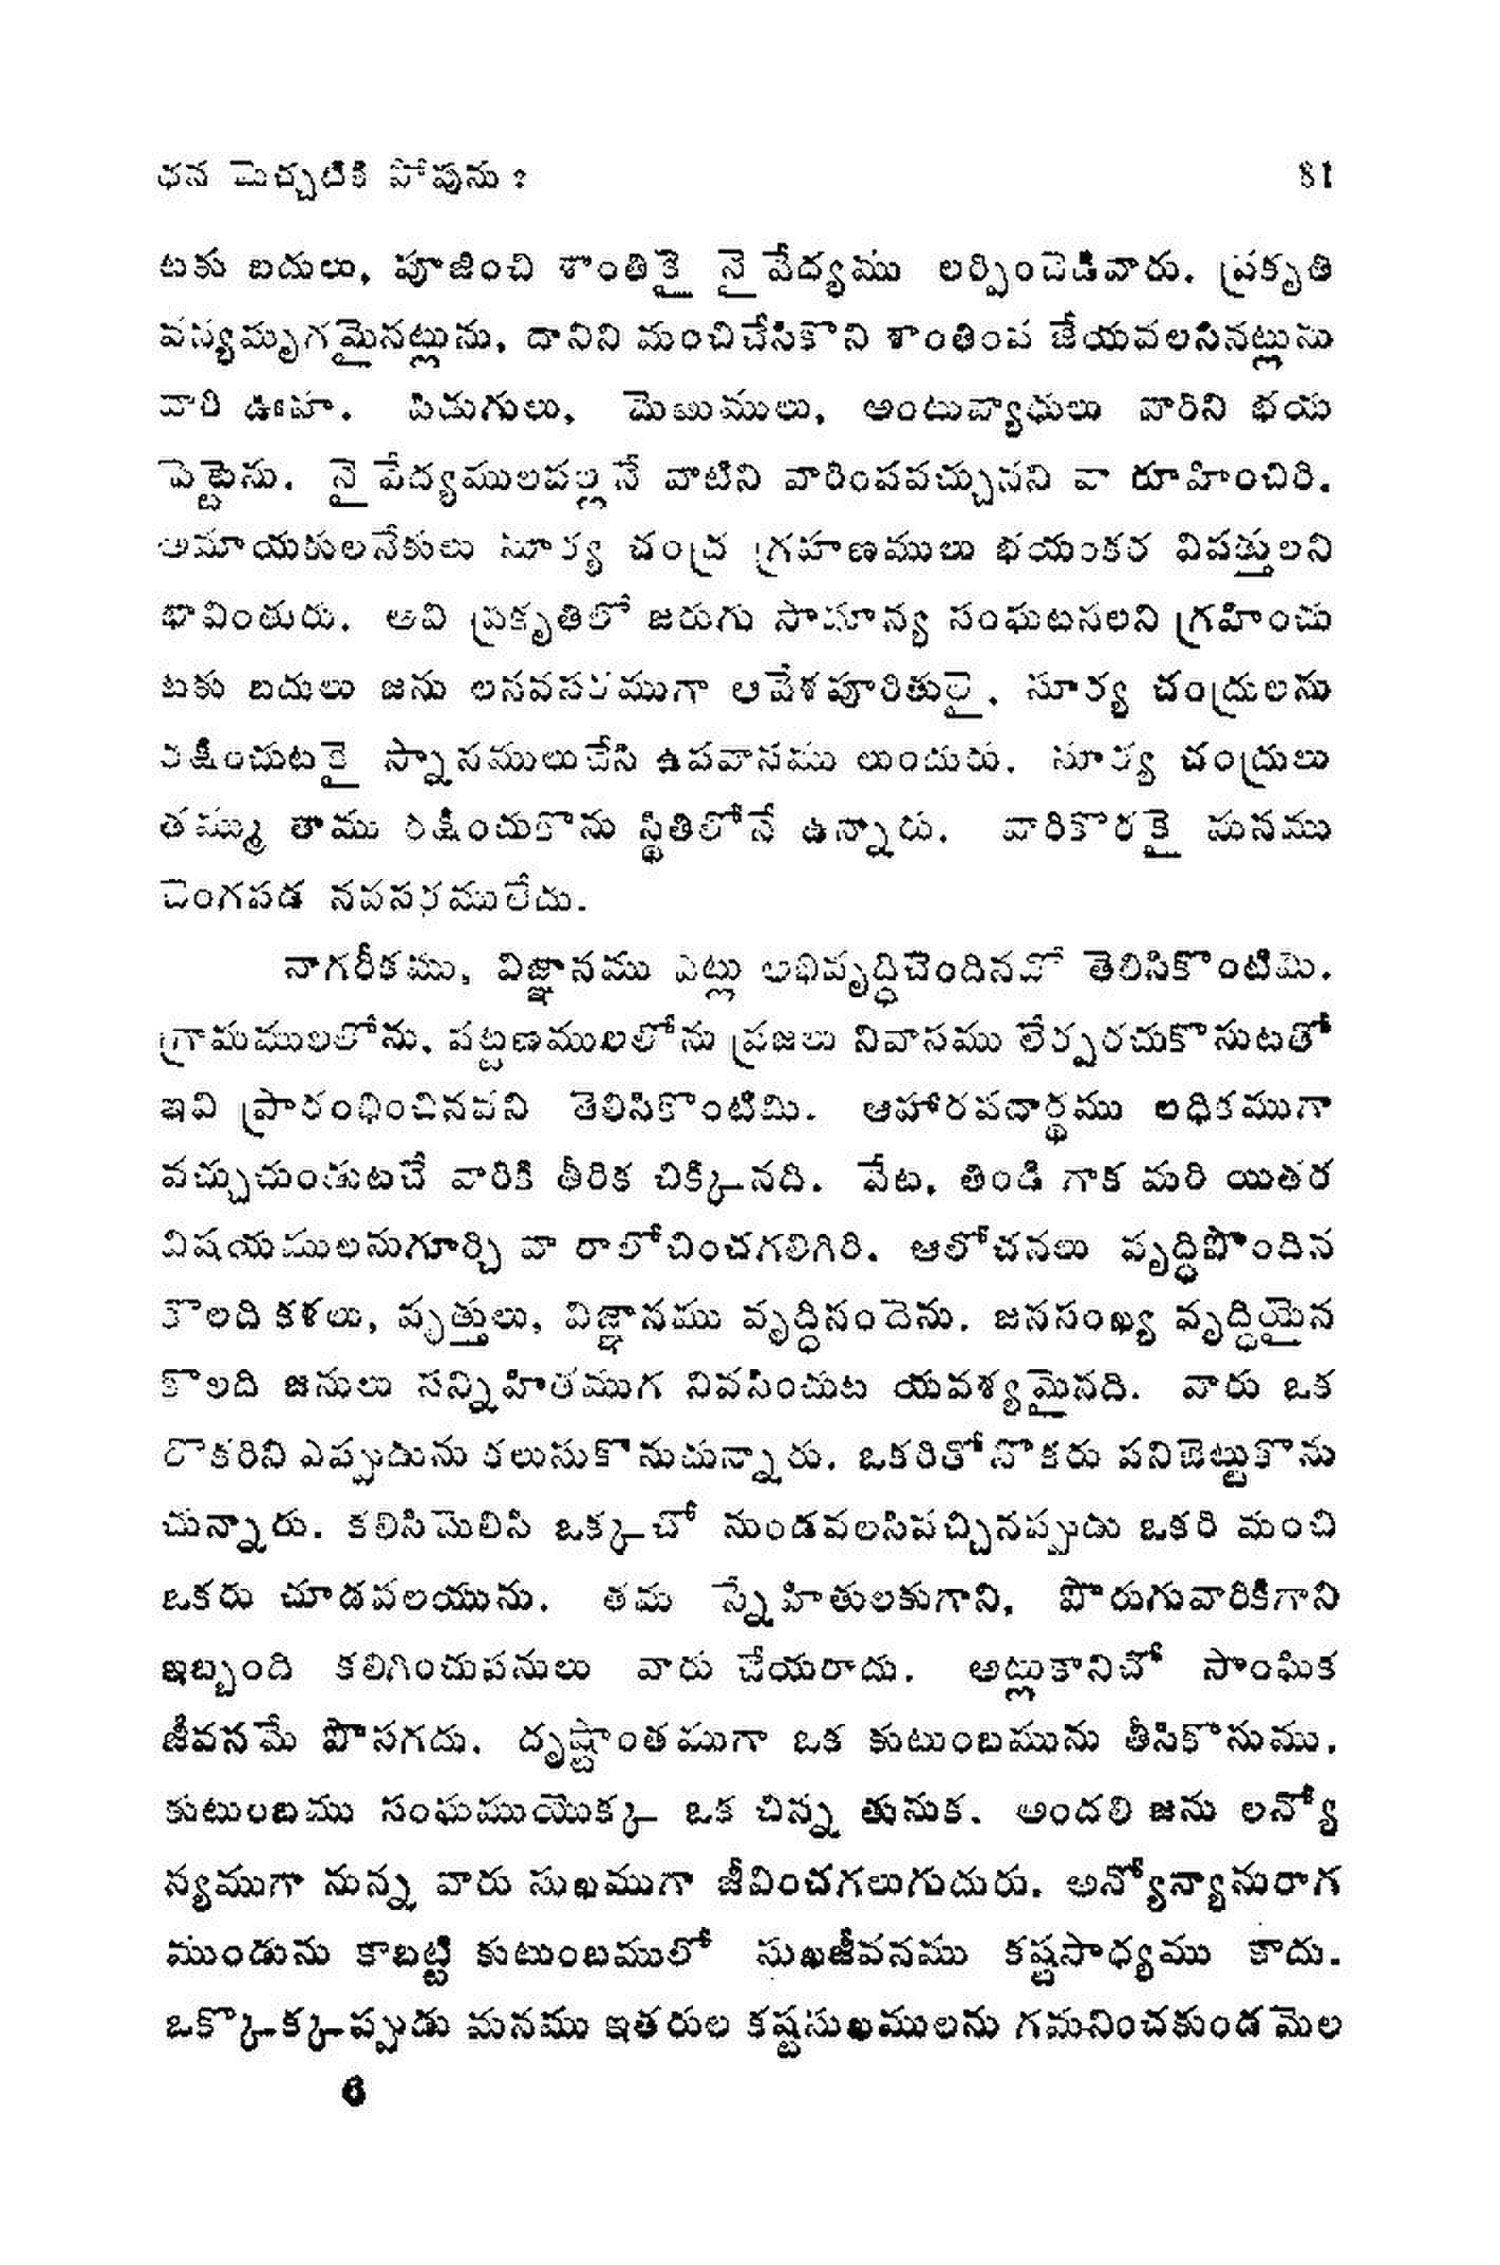టకు బదులు, పూజించి శాంతికై నైవేద్యము లర్పించెడివారు. ప్రకృతి వన్యమృగమైనట్లును, దానిని మంచిచేసికొని శాంతింప జేయవలసినట్లును వారి ఊహ. పిడుగులు, మెఱుములు, అంటువ్యాధులు వారిని భయపెట్టెను. నై వేద్యములపల్లనే వాటిని వారింపవచ్చునని వా రూహించిరి. అమాయకులనేకులు సూర్య చంద్ర గ్రహణములు భయంకర విపత్తులని భావింతురు. అవి ప్రకృతిలో జరుగు సామాన్య సంఘటనలని గ్రహించుటకు బదులు జను లనవసరముగా ఆవేశపూరితులై , సూర్య చంద్రులను రక్షించుటకై స్నానములు చేసి ఉపవాసము లుందురు. సూర్య చంద్రులు తమ్ము తాము రక్షించుకొను స్థితిలోనే ఉన్నారు. వారికొరకై మనము బెంగపడ నవసరములేదు. .

నాగరీకము, విజ్ఞానము ఎట్లు అభివృద్ధిచెందినవో తెలిసికొంటిమి. గ్రామములలోను, పట్టణములలోను ప్రజలు నివాసము లేర్పరచుకొనుటతో ఇవి ప్రారంభించినవని తెలిసికొంటిమి. ఆహారపదార్థము లధికముగా వచ్చుచుండుటచే వారికి తీరిక చిక్కినది. వేట, తిండి గాక మరి యితర విషయములనుగూర్చి వా రాలోచించగలిగిరి. ఆలోచనలు వృద్ధిపొందిన కొలది కళలు, వృత్తులు, విజ్ఞానము వృద్ధినందెను. జనసంఖ్య వృద్ధియైన కొలది జనులు సన్నిహితముగ నివసించుట యవశ్యమైనది. వారు ఒక రొకరిని ఎప్పుడును కలుసుకొనుచున్నారు. ఒకరితోనొకరు పనిబెట్టుకొనుచున్నారు. కలిసిమెలిసి ఒక్కచో నుండవలసివచ్చినప్పుడు ఒకరి మంచి ఒకరు చూడవలయును. తమ స్నేహితులకుగాని, పొరుగువారికిగాని ఇబ్బంది కలిగించుపనులు వారు చేయరాదు. అట్లుకానిచో సాంఘిక జీవనమే పొసగదు, దృషాంతముగా ఒక కుటుంబమును తీసికొనుము. కుటుంబము సంఘముయొక్క ఒక చిన్న తునుక. అందలి జను లన్యోన్యముగా నున్న వారు సుఖముగా జీవించగలుగుదురు. అన్యోన్యానురాగ ముండును కాబట్టి కుటుంబములో సుఖజీవనము కష్టసాధ్యము కాదు. ఒక్కొక్కప్పుడు మనము ఇతరుల కష్టసుఖములను గమనించకుండ మెల